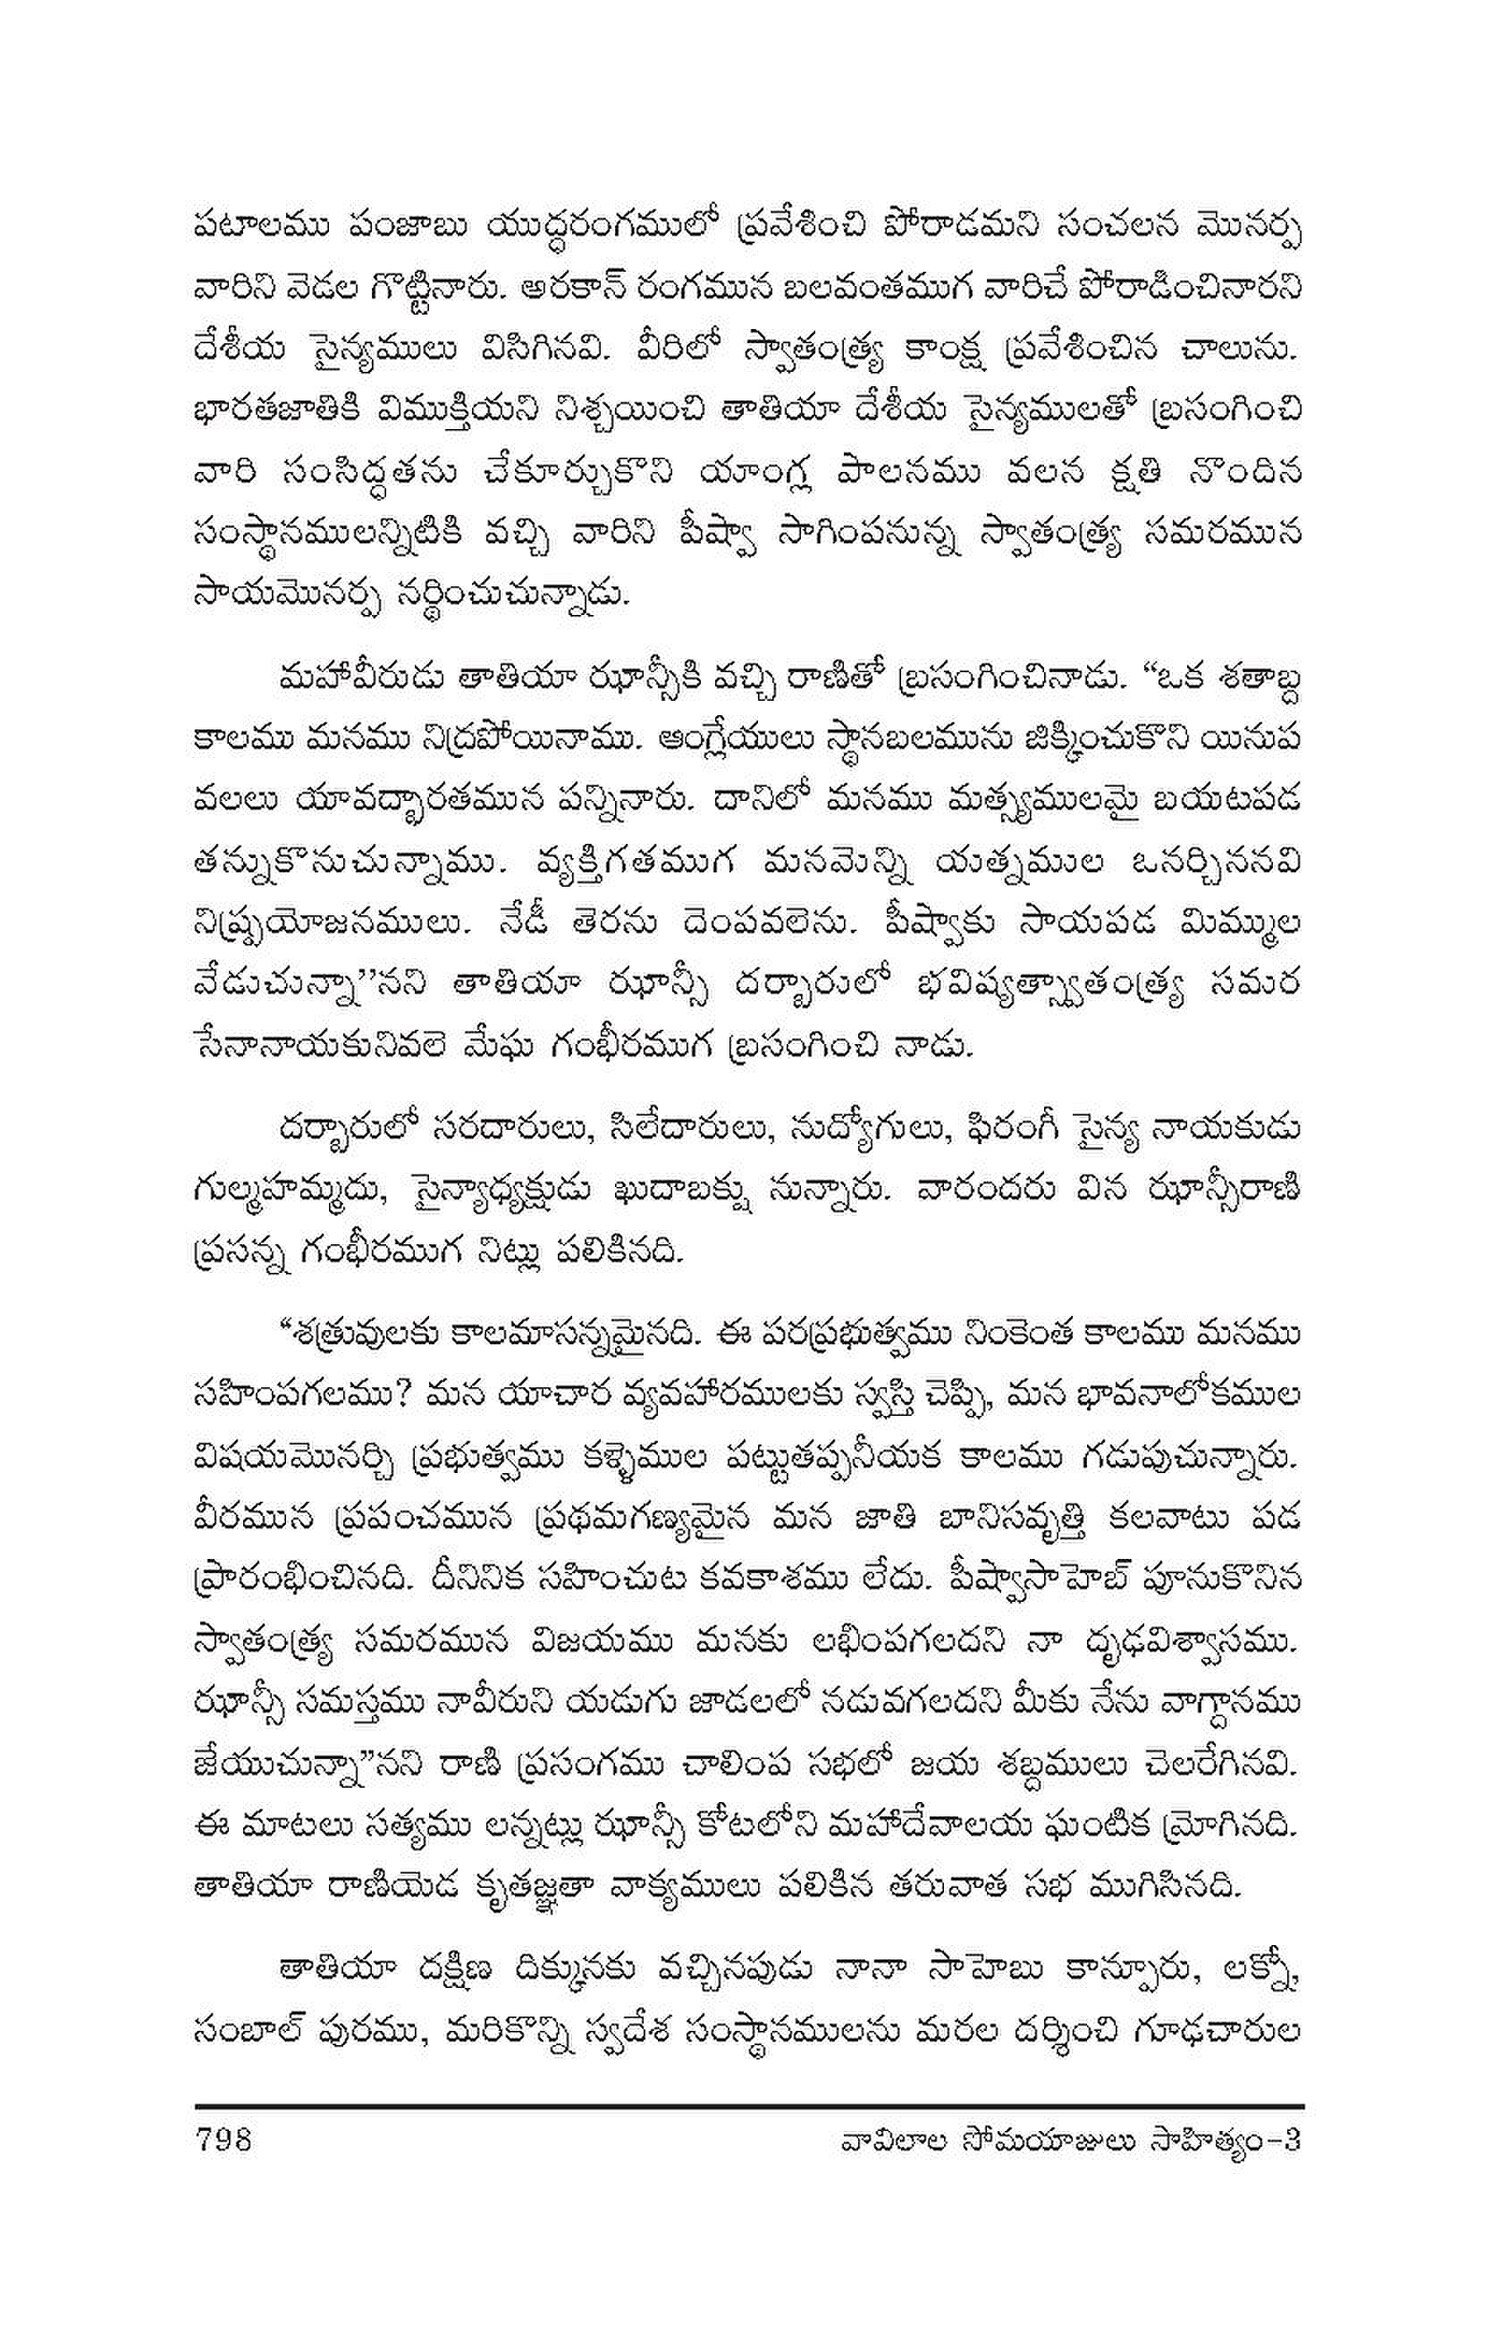పటాలము పంజాబు యుద్ధరంగములో ప్రవేశించి పోరాడమని సంచలన మొనర్ప వారిని వెడల గొట్టినారు. అరకాన్ రంగమున బలవంతముగ వారిచే పోరాడించినారని దేశీయ సైన్యములు విసిగినవి. వీరిలో స్వాతంత్ర్య కాంక్ష ప్రవేశించిన చాలును. భారతజాతికి విముక్తియని నిశ్చయించి తాతియా దేశీయ సైన్యములతో బ్రసంగించి వారి సంసిద్ధతను చేకూర్చుకొని యాంగ్ల పాలనము వలన క్షతి నొందిన సంస్థానములన్నిటికి వచ్చి వారిని పీష్వా సాగింపనున్న స్వాతంత్ర్య సమరమున సాయమొనర్ప నర్థించుచున్నాడు.

మహావీరుడు తాతియా ఝాన్సీకి వచ్చి రాణితో బ్రసంగించినాడు. “ఒక శతాబ్ద కాలము మనము నిద్రపోయినాము. ఆంగ్లేయులు స్థానబలమును జిక్కించుకొని యినుప వలలు యావద్భారతమున పన్నినారు. దానిలో మనము మత్స్యములమై బయటపడ తన్నుకొనుచున్నాము. వ్యక్తిగతముగ మనమెన్ని యత్నముల ఒనర్చిననవి నిష్ప్రయోజనములు. నేడీ తెరను దెంపవలెను. పీష్వాకు సాయపడ మిమ్ముల వేడుచున్నా”నని తాతియా ఝాన్సీ దర్బారులో భవిష్యత్స్వాతంత్ర్య సమర సేనానాయకునివలె మేఘ గంభీరముగ బ్రసంగించి నాడు.

దర్బారులో సరదారులు, సిలేదారులు, నుద్యోగులు, ఫిరంగీ సైన్య నాయకుడు గుల్మహమ్మదు, సైన్యాధ్యక్షుడు ఖుదాబక్షు నున్నారు. వారందరు విన ఝాన్సీరాణి ప్రసన్న గంభీరముగ నిట్లు పలికినది.

“శత్రువులకు కాలమాసన్నమైనది. ఈ పరప్రభుత్వము నింకెంత కాలము మనము సహింపగలము? మన యాచార వ్యవహారములకు స్వస్తి చెప్పి, మన భావనాలోకముల విషయమొనర్చి ప్రభుత్వము కళ్ళెములు పట్టుతప్పనీయక కాలము గడుపుచున్నారు. వీరమున ప్రపంచమున ప్రథమగణ్యమైన మన జాతి బానిసవృత్తి కలవాటు పడ ప్రారంభించినది. దీనినిక సహించుట కవకాశము లేదు. పీష్వాసాహెబ్ పూనుకొనిన స్వాతంత్ర్య సమరమున విజయము మనకు లభింపగలదని నా దృఢవిశ్వాసము. ఝాన్సీ సమస్తము నావీరుని యడుగు జాడలలో నడువగలదని మీకు నేను వాగ్దానము జేయుచున్నా”నని రాణి ప్రసంగము చాలింప సభలో జయ శబ్దములు చెలరేగినవి. ఈ మాటలు సత్యము లన్నట్లు ఝాన్సీ కోటలోని మహాదేవాలయ ఘంటిక మ్రోగినది. తాతియా రాణియెడ కృతజ్ఞతా వాక్యములు పలికిన తరువాత సభ ముగిసినది.

తాతియా దక్షిణ దిక్కునకు వచ్చినపుడు నానా సాహెబు కాన్పూరు, లక్నో, సంబాల్ పురము, మరికొన్ని స్వదేశ సంస్థానములను మరల దర్శించి గూఢచారుల